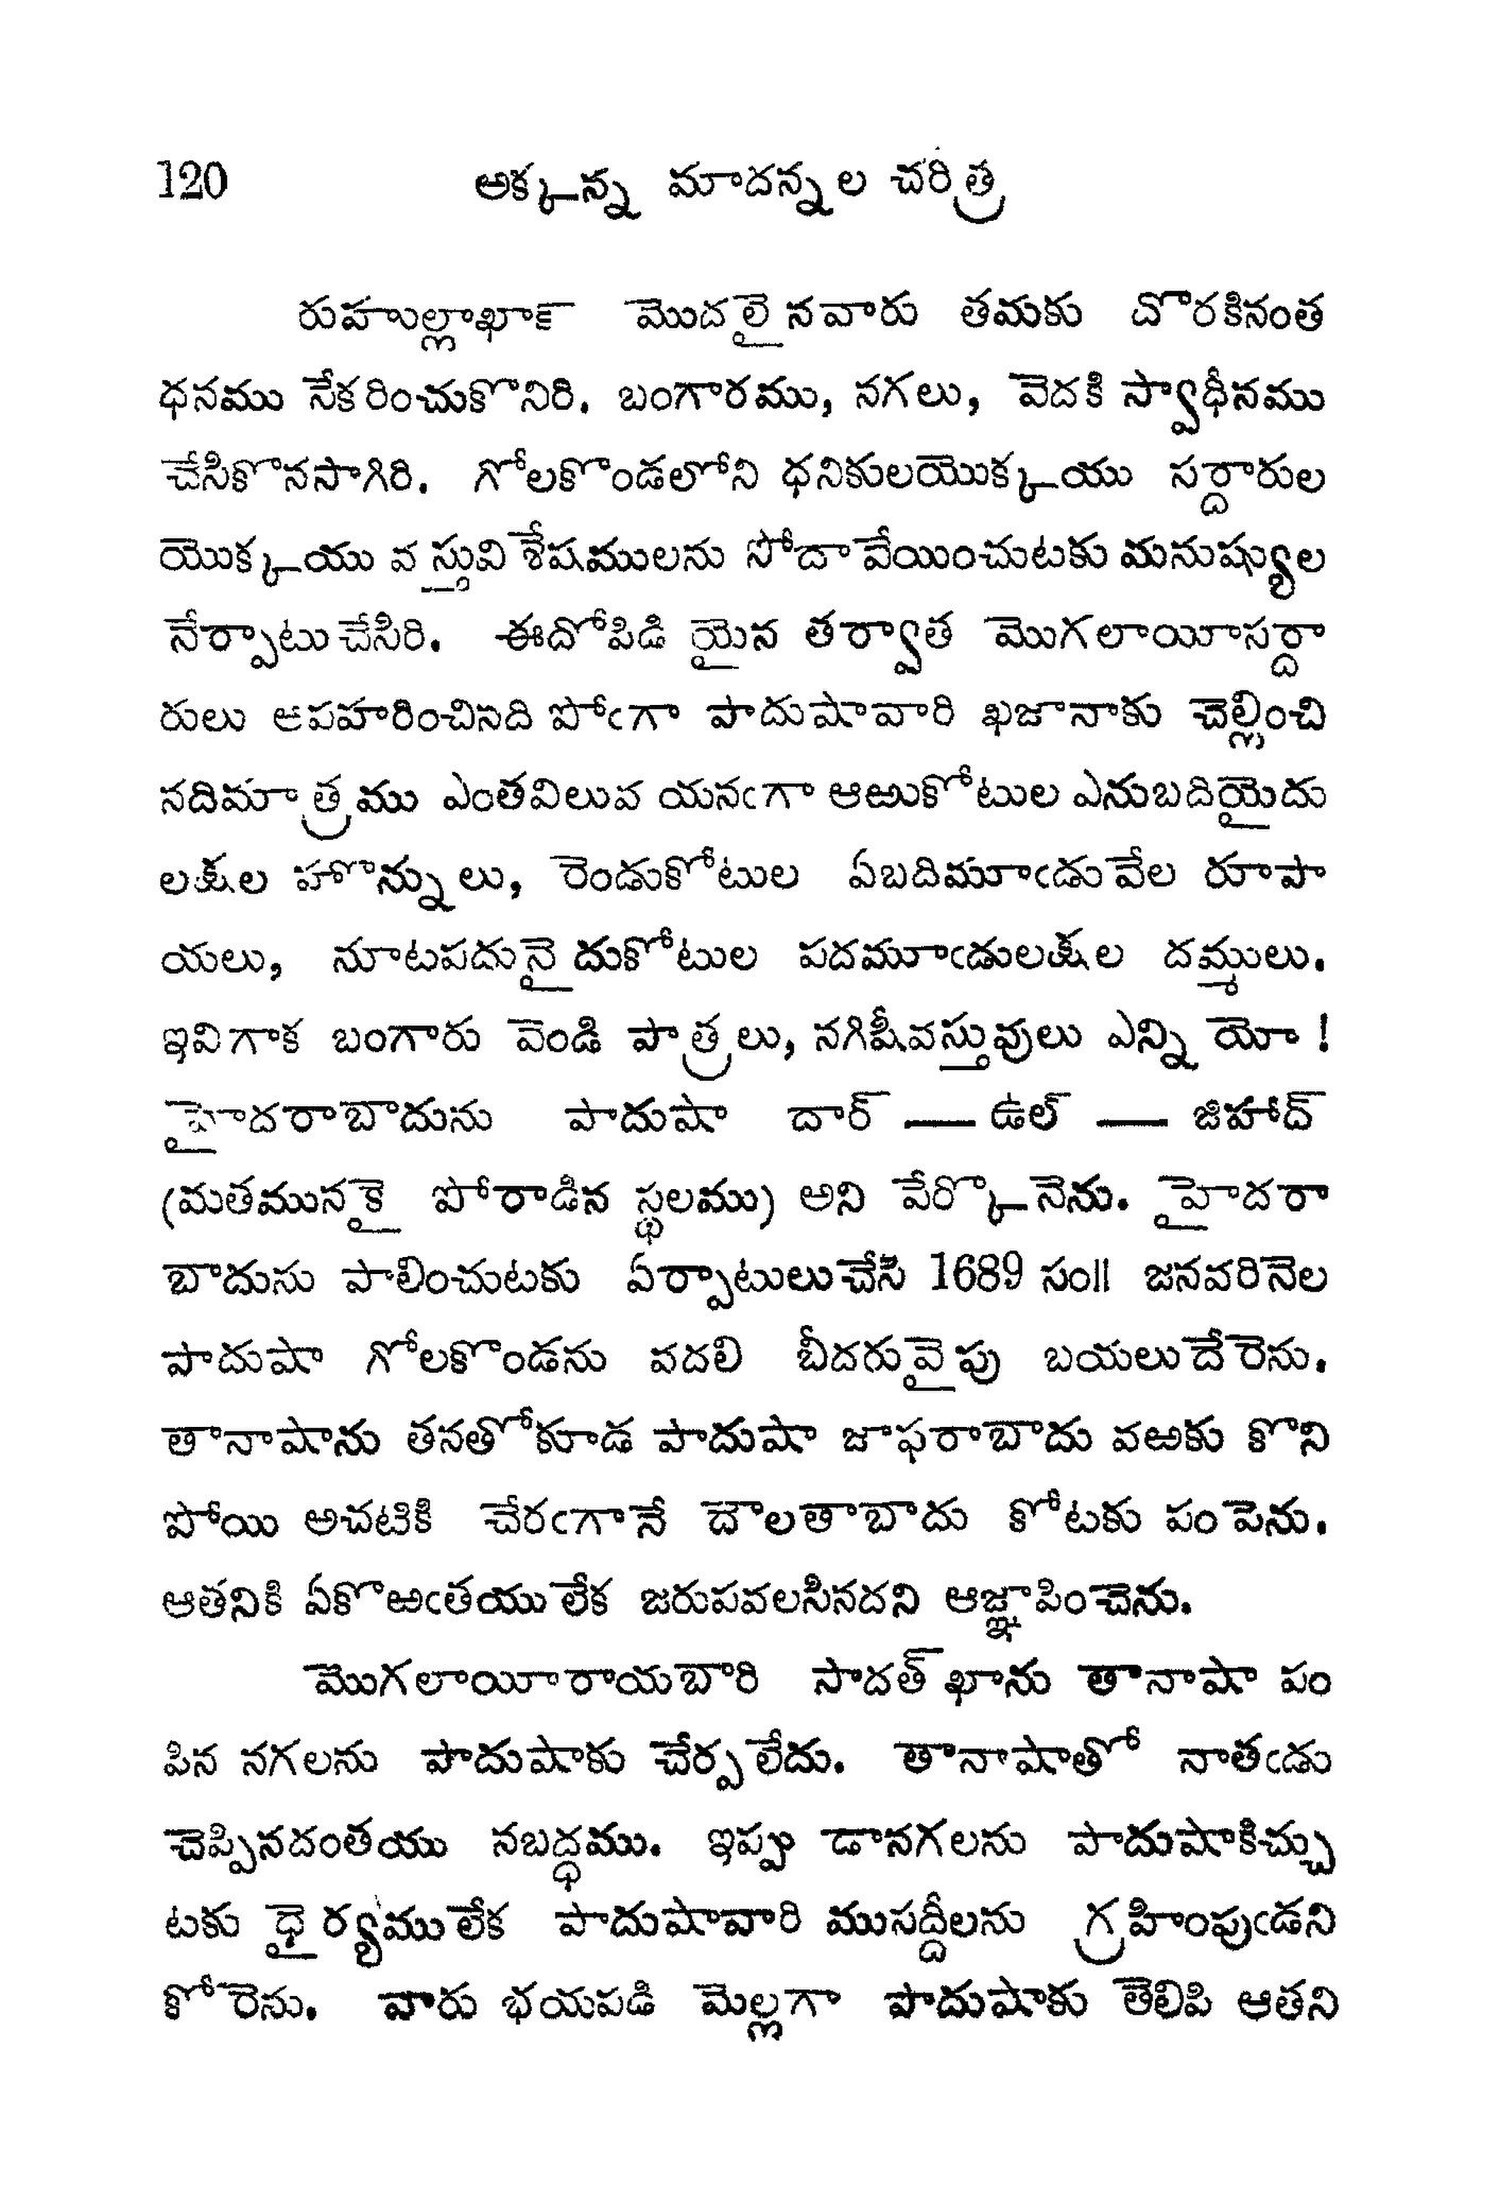రుహుల్లాఖాౝ మొదలైనవారు తమకు దొరకినంత ధనము సేకరించుకొనిరి. బంగారము, నగలు, వెదకి స్వాధీనము చేసికొనసాగిరి. గోలకొండలోని ధనికులయొక్కయు సర్దారుల యొక్కయు వస్తువిశేషములను సోదావేయించుటకు మనుష్యుల నేర్పాటుచేసిరి. ఈదోపిడి యైన తర్వాత మొగలాయీసర్దారులు అపహరించినది పోఁగా పాదుషావారి ఖజానాకు చెల్లించినదిమాత్రము ఎంతవిలువ యనఁగా ఆఱుకోటుల ఎనుబదియైదు లక్షల హొన్నులు, రెండుకోటుల ఏబదిమూఁడువేల రూపాయలు, నూటపదునైదుకోటుల పదమూఁడులక్షల దమ్ములు. ఇవిగాక బంగారు వెండి పాత్రలు, నగిషీవస్తువులు ఎన్నియో! హైదరాబాదును పాదుషా దార్ – ఉల్ – జిహాద్ (మతమునకై పోరాడిన స్థలము) అని పేర్కొనెను. హైదరాబాదును పాలించుటకు ఏర్పాటులుచేసి 1689 సం॥ జనవరినెల పాదుషా గోలకొండను వదలి బీదరువైపు బయలుదేరెను. తానాషాను తనతోకూడ పాదుషా జాఫరాబాదు వఱకు కొనిపోయి అచటికి చేరఁగానే దౌలతాబాదు కోటకు పంపెను. ఆతనికి ఏకొఱఁతయులేక జరుపవలసినదని ఆజ్ఞాపించెను.

మొగలాయీరాయబారి సాదత్‌ఖాను తానాషా పంపిన నగలను పాదుషాకు చేర్పలేదు. తానాషాతో నాతఁడు చెప్పినదంతయు నబద్ధము. ఇప్పు డానగలను పాదుషాకిచ్చుటకు ధైర్యములేక పాదుషావారి ముసద్దీలను గ్రహింపుఁడని కోరెసు. వారు భయపడి మెల్లగా పాదుషాకు తెలిపి ఆతని